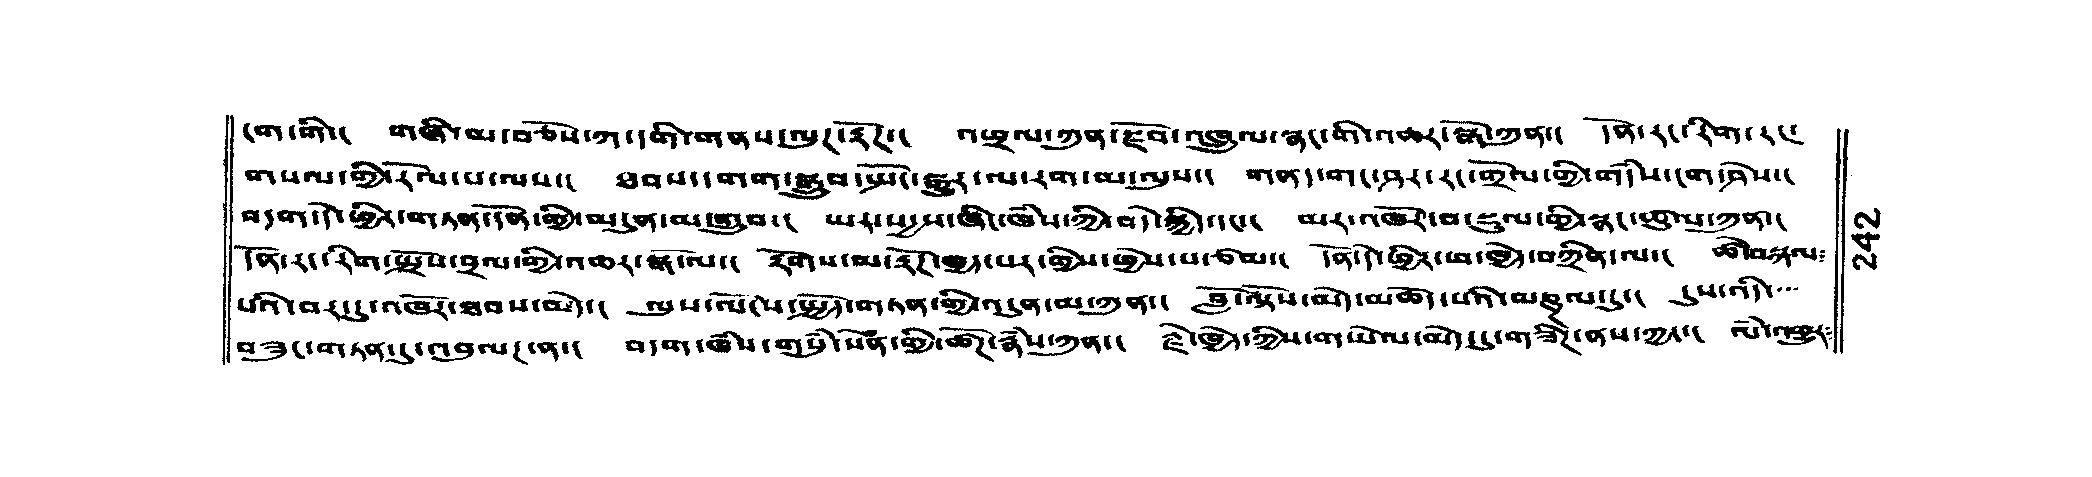ངག་གི །གཞི་མ་བཅོས་ཀ་དག་གི་གནས་ལུགས་རྟོགས། །འཕྲལ་ཀུན་རྫོབ་འཁྲུལ་སྣང་གི་འཆར་སྒོ་ཀུན། །དོན་རང་རིག་རང་
གསལ་གྱི་རོལ་པ་ལས། །ཐབས་དགག་སྒྲུབ་སྤོང་བསྒྱུར་ལ་རག་མ་ལུས། །གནད་གང་ཤར་རང་གྲོལ་གདམས་ངག་ཤེས། །
བདག་དེ་ཕྱིར་གཏན་དོན་གྱི་མདུན་མ་འགྲུབ། །ཡར་སངས་རྒྱས་ཞིང་ཁམས་ཀྱི་བདེ་སྐྱིད་དང་། །མར་འཁོར་བ་སྡུག་བསྔལ་གྱི་སྣང་ཚུལ་ཀུན། 
དོན་རང་རིག་སྤྲོས་བྲལ་གྱི་འཆར་སྒོ་ལ། །རྟོགས་མ་རྟོགས་ཁྱད་པར་གྱིས་ཕྱེས་པ་ཙམ། །དོན་དེ་ཕྱིར་ཕ་ཁྱེད་བཀའ་དྲིན་ལ། །ཚེ་བསྐལ་
པའི་བར་དུ་འཁོར་ཐབས་མེད། །ལུས་ལོངས་སྤྱོད་གཏན་གྱི་འདུན་མ་ཀུན། །བློ་ལྟོས་མེད་མཆོད་པའི་མཎྜལ་དུ། །དུས་འདི་
བཟུང་གཏན་དུ་འབུལ་ལགས་ན། །བདག་ཁམས་གསུམ་སེམས་ཅན་གྱི་ཚོགས་རྣམས་ཀུན། །རྗེ་ཁྱེད་ཀྱིས་གཡེལ་མེད་དུ་གཟིགས་ནས་ཀྱང་། །ལམ་འགྱུར་